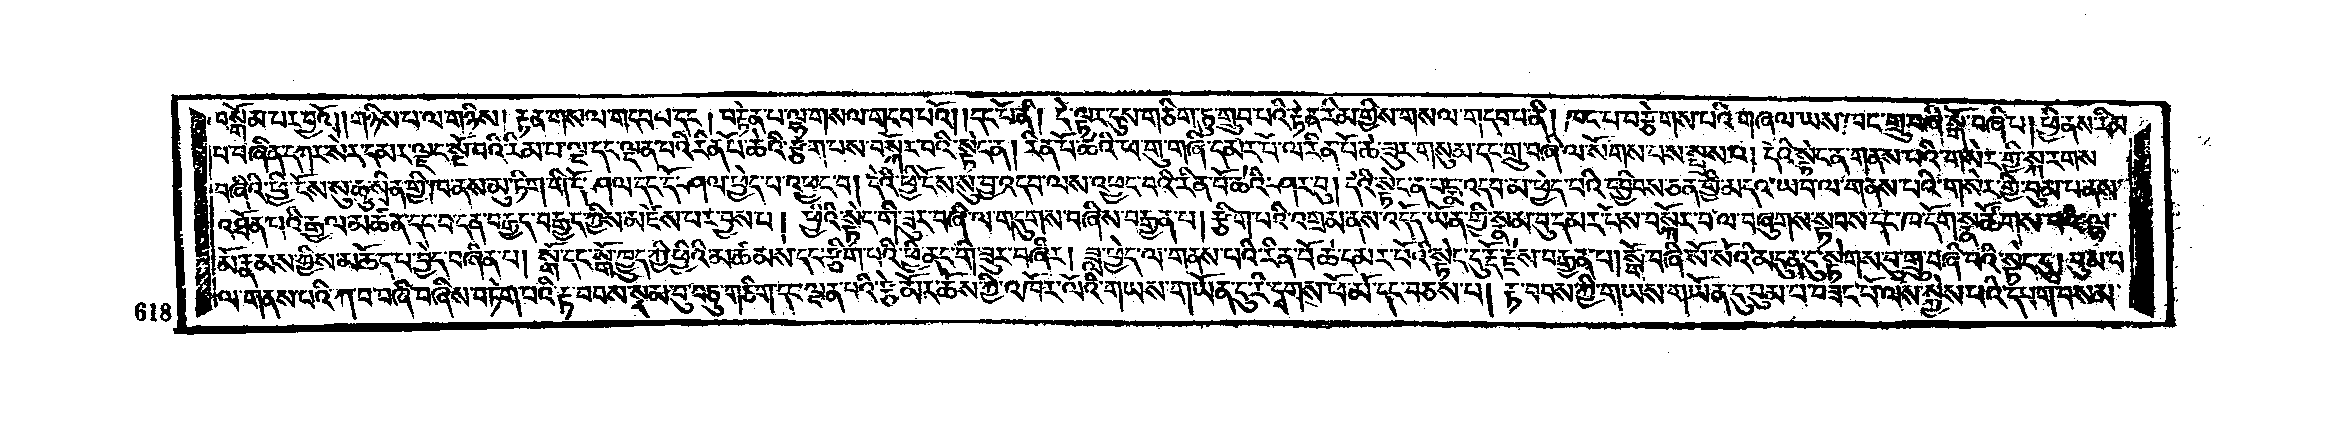བསྒོམ་པར་བྱའོ། །གཉིས་པ་ལ་གཉིས། རྟན་གསལ་གདབ་པ་དང་། བརྟེན་པ་ལྷ་གསལ་གདབ་པའོ། །དང་པོ་ནི། དེ་ལྟར་དུས་གཅིག་ཏུ་གྲུབ་པའི་རྟེན་རིམ་གྱིས་གསལ་གདབ་པ་ནི། ཁང་པ་བརྩེགས་པའི་གཞལ་ཡས་ཁང་གྲུ་བཞི་སྒོ་བཞི་པ། ཕྱི་ནས་རིམ་
པ་བཞིན་དཀར་སེར་དམར་ལྗང་སྔོ་བའི་རིམ་པ་ལྔ་དང་ལྡན་པའི་རིན་པོ་ཆེའི་རྩེག་པས་བསྐོར་བའི་སྟེང་ན། རིན་པོ་ཆེའི་ཕ་གུ་བཞི་དམར་པོ་ལ་རིན་པོ་ཆེ་ཟུར་གསུམ་དང་གུ་བཞི་ལ་སོགས་པས་སྤྲས་པ། དེའི་སྟེང་ན་གནས་པའི་གསེར་གྱི་སྐ་རགས་
བཞིའི་ཕྱི་ངོས་སུ་ཆུ་སྲིན་གྱི་ཁོ་ནས་མུ་ཏིག་གི་དོ་ཤལ་དང་དོ་ཤལ་ཕྱེད་པ་འཕྱང་བ། དེའི་ཕྱི་ངོས་སུ་བྱ་འདབ་ལས་འཕྱང་བའི་རིན་པོ་ཆེའི་ཤར་བུ། དེའི་སྟེང་ན་པདམ་འདབ་མ་ཕྱེད་པའི་དབྱིབས་ཅན་གྱི་མདའ་ཡབ་ལ་གནས་པའི་གསེར་གྱི་བུམ་པ་ནས་
འཐོན་པའི་རྒྱལ་མཚན་དང་བ་དན་བརྒྱད་བརྒྱད་ཀྱིས་མཛེས་པར་བྱས་པ། ཕྱིའི་སྟེང་གི་ཟུར་བཞི་ལ་གདུགས་བཞིས་བརྒྱན་པ། རྩིག་པའི་འགྲམ་ནས་འདོད་ཡོན་གྱི་སྣམ་བུ་དམར་པོས་བསྐོར་བ་ལ་བཞུགས་སྟབས་དང་ཁ་དོག་སྣ་ཚོགས་པའི་ལྷ་
མོ་རྣམས་ཀྱིས་མཆོད་པ་བྱེད་བཞིན་པ། སྒོ་དང་སྒོ་ཁྱུད་ཀྱི་ཕྱིའི་མཚམས་དང་རྩིག་པའི་ཕྱི་ནང་གི་ཟུར་བཞིར། ཟླ་ཕྱེད་ལ་གནས་པའི་རིན་པོ་ཆེ་དམར་པོའི་སྟེང་དུ་རྡོ་རྗེས་བརྒྱན་པ། སྒོ་བཞི་སོ་སོའི་མདུན་དུ་སྟེགས་བུ་གྲུ་བཞི་པའི་སྟེང་དུ། བུམ་པ་
ལ་གནས་པའི་ཀ་བ་བཞི་བཞིས་བཏེག་པའི་རྟ་བབས་སྣམ་བུ་བཅུ་གཅིག་དང་ལྡན་པའི་རྩེ་མོར་ཆོས་ཀྱི་འཁོར་ལོའི་གཡས་གཡོན་དུ་རི་དྭགས་ཕོ་མོ་དང་བཅས་པ། རྟ་བབས་ཀྱི་གཡས་གཡོན་དུ་བུམ་པ་བཟང་པོ་ལས་སྐྱེས་པའི་དཔག་བསམ་